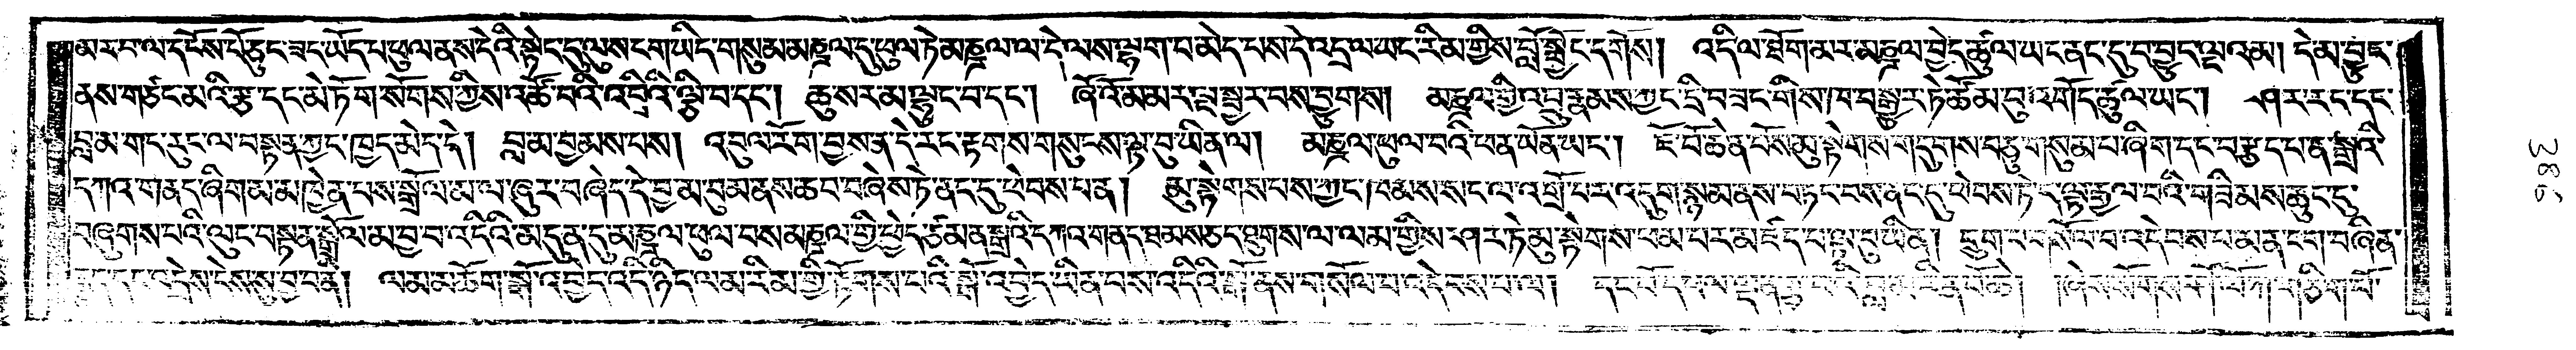མར་བ་ལ་དངོས་པོ་ཅུང་ཟད་ཡོད་པ་ཕུལ་ནས་དེའི་སྟེང་དུ་ལུས་ངག་ཡིད་གསུམ་མཎྜལ་དུ་ཕུལ་ཏེ་མཎྜལ་ལ་དེ་ལས་ལྷག་པ་མེད་པས་དེ་འདྲ་ལ་ཡང་རིམ་གྱིས་བློ་སྦྱོང་དགོས། འདི་ལ་ཐོག་མར་མཎྜལ་བྱེད་ཚུལ་ཡང་ནང་དུ་པ་བྱུང་ལྔའམ། དེ་མ་བྱུང་
ནས་གཙང་མའི་རྩ་དང་མེ་ཏོག་སོགས་ཀྱིས་འཚོ་བའི་འབྲིའི་ལྕི་བ་དང་། ཆུ་སར་མ་ལྷུང་བ་དང་། ཞོ་འོ་མ་མར་ལྔ་སྦྱར་བས་བྱུགས། མཎྜལ་གྱི་འབྲུ་རྣམས་ཀྱང་དྲི་བཟང་གིས་ཁ་བསྒྱུར་ཏེ་ཚོམ་བུ་འགོད་ཚུལ་ཡང་། ཤར་རང་དང་
བླ་མ་གང་རུང་ལ་བསྟན་ཀྱང་ཁྱད་མེད་དེ། བླ་མ་བྱམས་པས། འབུལ་རོག་བྱས་ན་དེ་རང་རྟགས་གསུངས་ལྟ་བུ་ཡིན་ལ། མཎྜལ་ཕུལ་བའི་ཕན་ཡོན་ཡང་། ཇོ་བོ་ཆེན་པོས་མུ་སྟེགས་གདུགས་བཅུ་གསུམ་པ་ཞིག་དང་བརྩད་པ་ན་སྒྲ་རི་
དཀའ་གནད་ཞིག་མ་མཁྱེན་པས་སྒྲོལ་མ་ལ་ཞུར་བཞེད་དེ་བྱ་མ་བུམ་ནས་ཆབ་བཞེས་ཏེ་ནང་དུ་ཕེབས་པ་ན། མུ་སྟེགས་པས་ཀྱང་ཁམས་སང་ལ་འགྲོ་བར་འདུག་སྙམ་ནས་བཏང་བས་ནང་དུ་ཕེབས་ཏེ་ད་ལྟ་རྒྱལ་བའི་གཟིམས་ཆུང་དུ་
བཞུགས་བའི་ལུང་བསྟན་སྒྲོལ་མ་བྱ་བ་འདིའི་མདུན་དུ་མཎྜལ་ཕུལ་བསམ་མཎྜལ་གྱི་ཕྱེད་ཙམ་ན་སྒྲའི་དཀའ་གནད་ཐམས་ཅད་ཐུགས་ལ་ལམ་གྱིས་ཤར་ཏེ་མུ་སྟེགས་ཕམ་བར་མཛད་པ་ལྟ་བུ་ཡིན། དྲུག་བ་གསོལ་བ་འདེབས་པ་མན་ངག་བཞིན་
རྒྱུད་དང་འདྲེས་ངེས་སུ་བྱ་བ་ནི། ལམ་མཆོག་སྒོ་འབྱེད་འདི་ཉིད་ལམ་རིམ་གྱི་རྟོགས་པའི་སྒོ་འབྱེད་ཡིན་པས་འདིའི་སྒོ་ནས་གསོལ་བ་འདེབས་པ་ལ། དང་པོ་དཔལ་ལྡན་རྩ་བའི་བླ་མ་རིན་པོ་ཆེ། །ཞེས་སོགས་ཤོ་ལོ་ཀ་གཅིག་པོ་